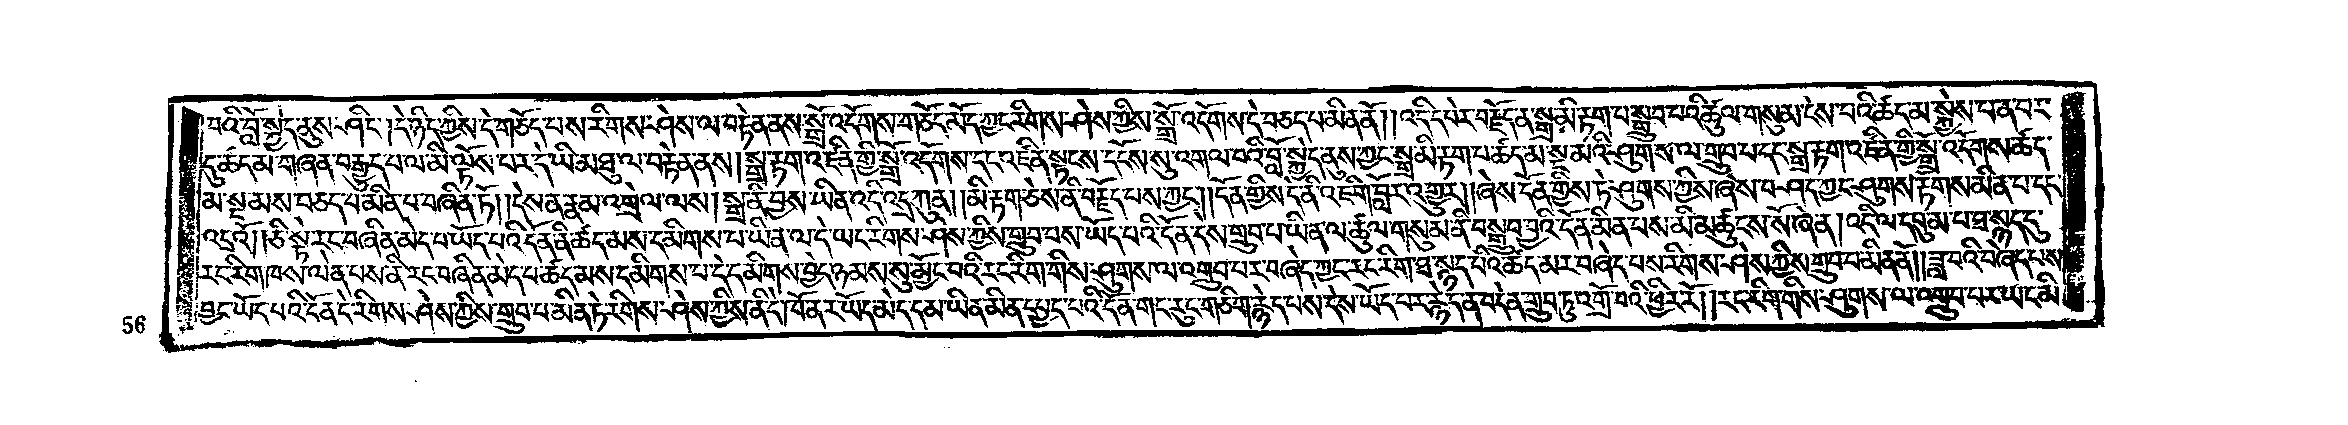བའི་བློ་སྐྱེད་ནུས་ཤིང་། དེ་ཉིད་ཀྱིས་དེ་གཅོད་པས་རིགས་ཤེས་ལ་བརྟེན་ནས་སྒྲོ་འདོགས་གཅོད་མོད་ཀྱང་རིགས་ཤེས་ཀྱིས་སྒྲོ་འདོགས་དེ་བཅད་པ་མིན་ནོ། །འདི་དཔེར་བརྗོད་ན་སྒྲ་མི་རྟག་པ་སྒྲུབ་པའི་ཚུལ་གསུམ་ངེས་པའི་ཚད་མ་སྐྱེས་པ་ན་བར་
དུ་ཚད་མ་གཞན་བརྒྱུད་པ་ལ་མི་ལྟོས་པར་དེ་ཡི་མཐུ་ལ་བརྟེན་ནས། སྒྲ་རྟག་འཛིན་གྱི་སྒྲོ་འདོགས་དང་འཛིན་སྟངས་དངོས་སུ་འགལ་བའི་བློ་སྐྱེད་ནུས་ཀྱང་སྒྲ་མི་རྟག་པ་ཚད་མ་སྔ་མའི་ཤུགས་ལ་གྲུབ་པ་དང་སྒྲ་རྟག་འཛིན་གྱི་སྒྲོ་འདོགས་ཚད་
མ་སྔ་མས་བཅད་བ་མིན་པ་བཞིན་ཏོ། །དེས་ན་རྣམ་འགྲེལ་ལས། སྒྲ་ནི་བྱས་ཡིན་འདི་འདྲ་ཀུན། །མི་རྟག་ཅེས་ནི་བརྗོད་པས་ཀྱང་། །དོན་གྱིས་དེ་ནི་འཇིག་བློར་འགྱུར། །ཞེས་དོན་གྱིས་ཏེ་ཤུགས་ཀྱིས་ཞེས་བཤད་ཀྱང་ཤུགས་རྟགས་མིན་པ་དང་
འདྲའོ། །ཅི་སྟེ་རང་བཞིན་མེད་པ་ཡོད་པའི་དོན་ནི་ཚད་མས་དམིགས་པ་ཡིན་ལ་དེ་ཡང་རིགས་ཤེས་ཀྱིས་གྲུབ་པས་ཡོད་པའི་དོན་དེས་གྲུབ་པ་ཡིན་ལ་ཚུལ་གསུམ་ནི་བསྒྲུབ་བྱའི་དོན་མིན་པས་མི་མཚུངས་སོ་ཞེ་ན། འདི་ལ་དབུ་མ་པ་ཐ་སྙད་དུ་
རང་རིག་ཁས་ལེན་པས་ནི་རང་བཞིན་མེད་པ་ཚད་མས་དམིགས་པ་དེ་དམིགས་བྱེད་ཉམས་སུ་མྱོང་བའི་རང་རིག་གིས་ཤུགས་ལ་འགྲུབ་པར་བཞེད་ཀྱང་རང་རིག་ཐ་སྙད་པའི་ཚད་མར་བཞེད་པས་རིགས་ཤེས་ཀྱིས་གྲུབ་པ་མིན་ནོ། །ཟླ་བའི་བཞེད་པས་
ཀྱང་ཡོད་པའི་དོན་དེ་རིགས་ཤེས་ཀྱིས་གྲུབ་པ་མིན་ཏེ་རིགས་ཤེས་ཀྱིས་ནི་དེ་ཁོ་ནར་ཡོད་མེད་དམ་ཡིན་མིན་དཔྱད་པའི་དོན་གང་རུང་གཅིག་རྙེད་པས་དེས་ཡོད་པར་རྙེད་ན་བདེན་གྲུབ་ཏུ་འགྲོ་བའི་ཕྱིར་རོ། །རང་རིག་གིས་ཤུགས་ལ་འགྲུབ་པར་ཡང་མི་